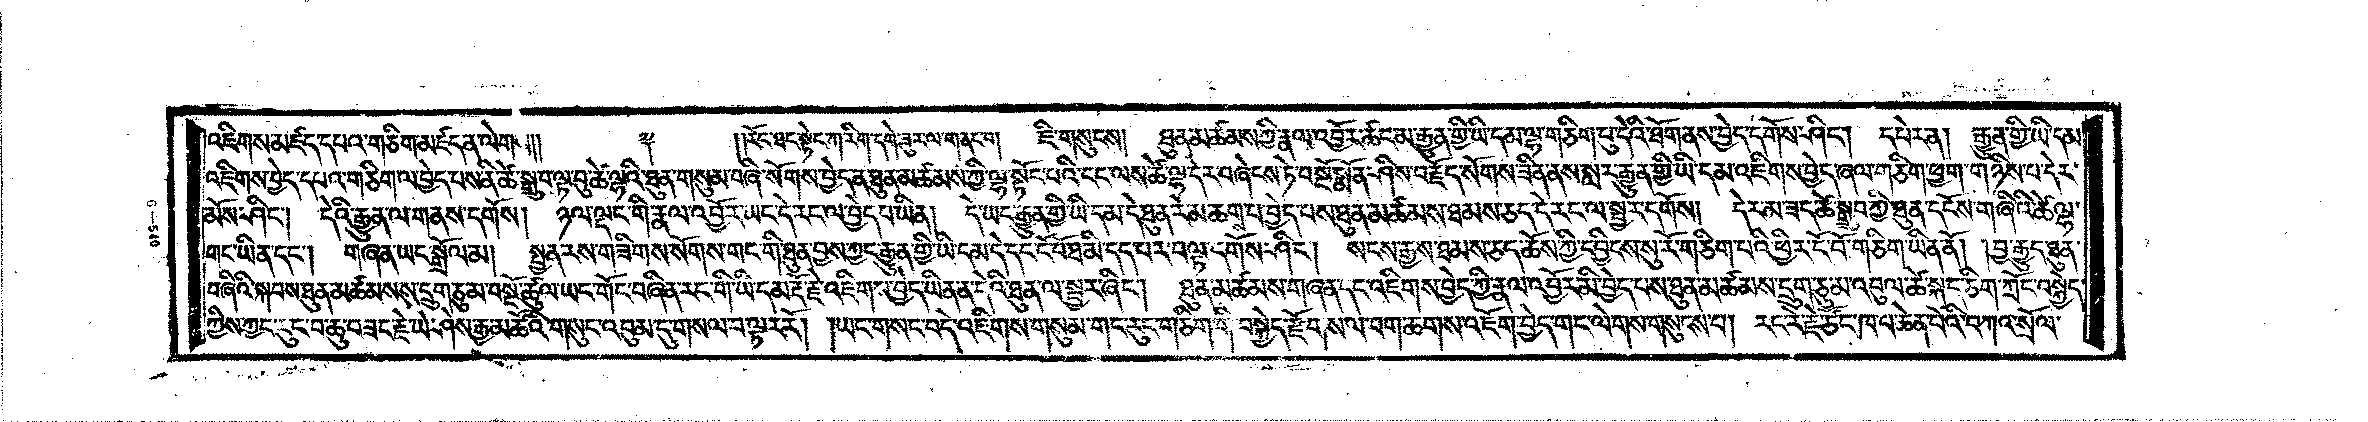འཇིགས་མཛད་དཔའ་གཅིག་མཛད་ན་ལེག །། ༈ །།རོང་ཐང་སྟེང་ཀ་རིག་དགེ་ཟུར་ལ་གནང་བ།  ཇི་གསུངས། ཐུན་མཚམས་ཀྱི་རྣལ་འབྱོར་ཚང་མ་རྒྱུན་གྱི་ཡི་དམ་ལྷ་གཅིག་པུ་དེའི་ཐོག་ནས་བྱེད་དགོས་ཤིང་། དཔེར་ན། རྒྱུན་གྱི་ཡི་དམ་
འཇིགས་བྱེད་དཔའ་གཅིག་ལ་བྱེད་པས་ནི་ཚེ་སྒྲུབ་ལྟ་བུ་ཚེ་ལྷའི་ཐུན་གསུམ་བཞི་སོགས་བྱེད་ན་ཐུན་མཚམས་ཀྱི་ལྷ་སྟོང་པའི་ངང་ལས་ཚེ་ལྷ་དེར་བཞེངས་ཏེ་བསྔོ་སྨོན་ཤིས་བརྗོད་སོགས་ཟིན་ནས་སླར་རྒྱུན་གྱི་ཡི་དམ་འཇིགས་བྱེད་ཞལ་གཅིག་ཕྱག་གཉིས་པ་དེར་
མོས་ཤིང་། དེའི་རྒྱུན་ལ་གནས་དགོས། ཉལ་ལྡང་གི་རྣལ་འབྱོར་ཡང་དེ་རང་ལ་བྱེད་པ་ཡིན། དེ་ཡང་རྒྱུན་གྱི་ཡི་དམ་དེ་ཐུན་རེ་མ་ཆགས་པ་བྱེད་པས་ཐུན་མཚམས་ཐམས་ཅད་དེ་རང་ལ་སྦྱར་དགོས། དེར་མ་ཟད་ཚེ་སྒྲུབ་ཀྱི་ཐུན་དངོས་གཞིའི་ཚེ་ལྷ་
གང་ཡིན་དང་། གཞན་ཡང་སྒྲོལ་མ། སྤྱན་རས་གཟིགས་སོགས་གང་གི་ཐུན་བྱས་ཀྱང་རྒྱུན་གྱི་ཡི་དམ་དེ་དང་ངོ་བོ་ཐ་མི་དད་པར་བལྟ་དགོས་ཤིང་། སངས་རྒྱས་ཐམས་ཅད་ཆོས་ཀྱི་དབྱིངས་སུ་རོ་གཅིག་པའི་ཕྱིར་ངོ་བོ་གཅིག་ཡིན་ནོ། །བྱ་རྒྱུད་ཐུན་
བཞིའི་སྐབས་ཐུན་མཚམས་ས་དྲུག་ཅུམ་བསྔོ་ཚུལ་ཡང་གོང་བཞིན་རང་གི་ཡི་དམ་རྡོ་རྗེ་འཇིགས་བྱེད་ཡིན་ན་དེའི་ཐུན་ལ་སྦྱར་ཞིང་། ཐུན་མཚམས་གཞན་དང་འཇིགས་བྱེད་ཀྱི་རྣལ་འབྱོར་མི་བྱེད་པས་ཐུན་མཚམས་དྲུག་ཅུ་མ་འབུལ་ཚེ་སྐད་ཅིག་ཀྲོང་བསྐྱེད་
ཀྱིས་ཀྱང་རུང་བ་ཆུ་བཟང་རྗེ་ཡེ་ཤེས་རྒྱ་མཚོའི་གསུང་འབུམ་དུ་གསལ་བ་ལྟར་རོ། །ཡང་གསང་བདེ་འཇིགས་གསུམ་གང་རུང་གཅིག་གི་བསྐྱེད་རྫོགས་ལ་བག་ཆགས་འཇོག་བྱེད་གང་ལེགས་གསུངས་པ། རང་རེ་རྗེ་ཙོང་ཁ་པ་ཆེན་པོའི་བཀའ་སྲོག་